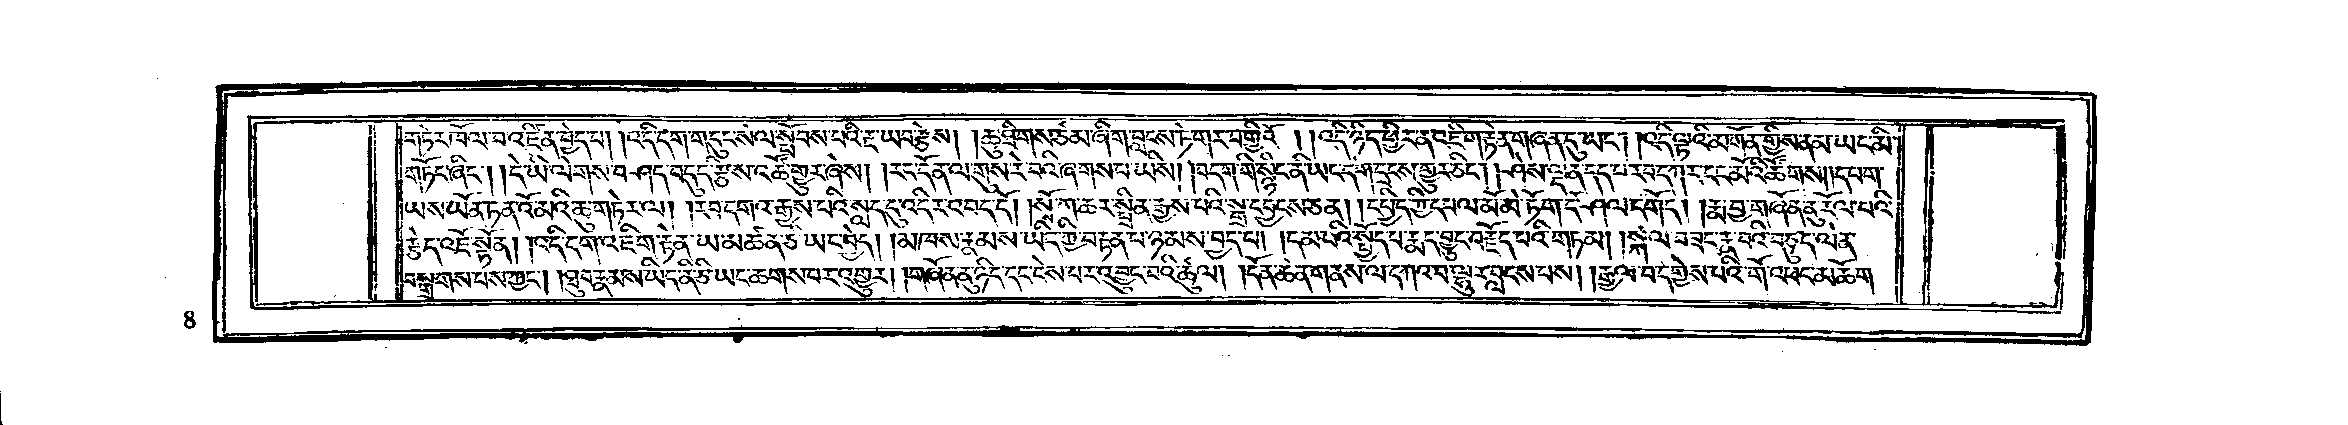གཏེར་ཁོལ་བ་འཛིན་བྱེད་པ། །འདི་དག་གདུང་སེལ་སྤོབས་པའི་རྔ་ཡབ་རྩེས། །ཆུ་ཐིགས་ཙམ་ཞིག་བླངས་ཏེ་གར་བགྱིའོ། །འདི་ཉིད་ཕྱིར་ན་འཇིག་རྟེན་གཞན་དུ་ཡང་། །འདི་ལྟའི་མགོན་གྱིས་ནམ་ཡང་མི་
གཏོང་ཞིང་། །དེ་ཡི་ལེགས་བཤད་བདུད་རྩིས་འཚོ་གྱུར་ཞེས། །རང་དོན་ལ་གུས་རེ་བའི་ཞགས་པ་ཡིས། །བདག་གི་སྙིང་ནི་ཡང་དག་དྲངས་གྱུར་ཅིང་། །ཤེས་ལྡན་དད་པ་རབ་དཀར་ངང་མོའི་ཚོགས། །དཔག་
ཡས་ཡོན་ཏན་འོ་མའི་ཆུ་གཏེར་ལ། །རབ་དགའ་རྒྱས་པའི་སླད་དུ་འདིར་འབད་དོ། །སོས་ཀ་ཆར་སྤྲིན་རྒྱས་པའི་སྒྲ་དབྱངས་ཅན། །དཔྱིད་ཀྱི་དཔལ་མོ་མེ་ཏོག་དོ་ཤལ་དགོད། །རྨ་བྱ་གཞོན་ནུ་རོལ་པའི་
རྩེད་འཇོ་སྟོན། །འདི་དག་འཇིག་རྟེན་ཡ་མཚན་ཅི་ཡང་བྱེད། །མཁས་རྣམས་ཡིད་ཀྱི་བརྟན་པ་ཉམས་བྱད་པ། །དམ་པའི་སྤྱོད་པ་རྨད་བྱུང་བརྗོད་པའི་གཏམ། །སྐལ་བཟང་རྣ་བའི་བཙུད་ལེན་
བསྒྲགས་པས་ཀྱང་། །ཐུབ་རྣམས་ཡིད་ནི་ཅི་ཡང་ཆགས་པར་འགྱུར། །གཞོན་ནུ་ཉིད་དང་ངེས་པར་འབྱུང་བའི་ཚུལ། །དོན་ཆེན་གནས་ལ་དཀའ་བ་ལྷུར་བླངས་པས། །རྒྱལ་བ་དགྱེས་པའི་གོ་འཕང་མཆོག་